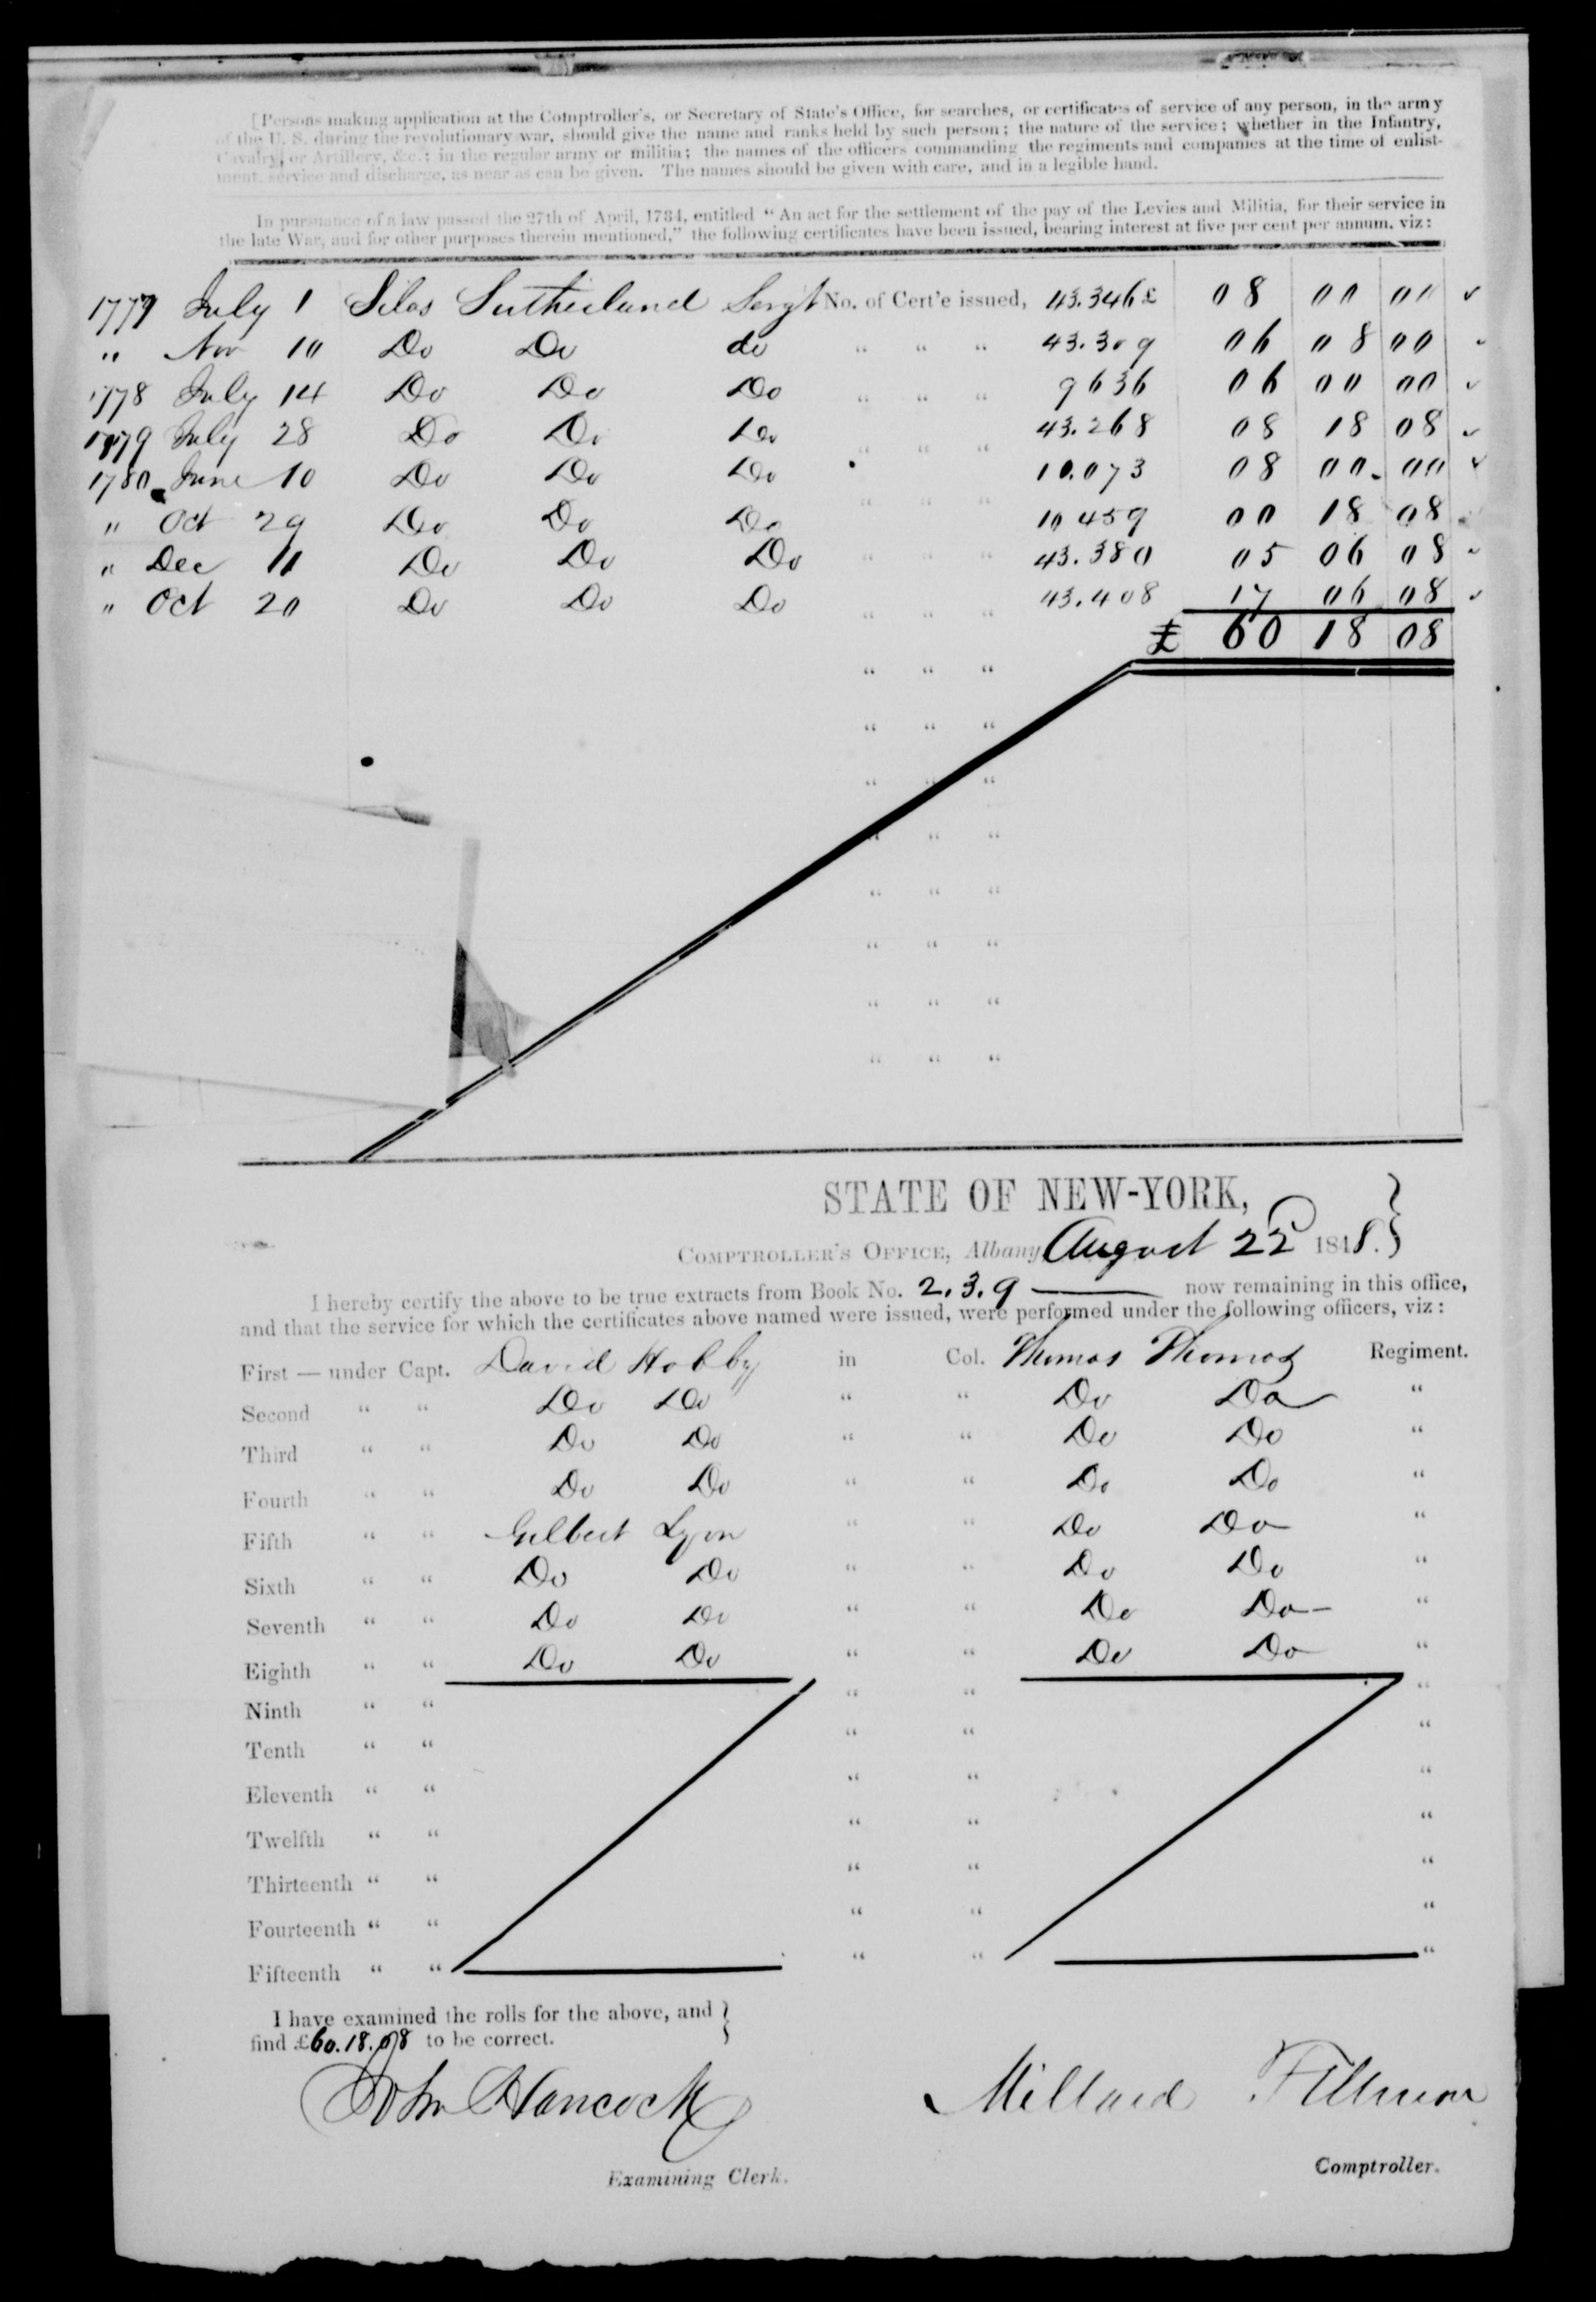[Persons making application at the Comptroller's, or Secretary of State's Office, for searches, or certificates of service of any person, in the army of the U.S. during the revolutionary war, should give the name and ranks held by such person; the nature of the service; whether in the Infantry, Cavalry, or Artillery, &c.; in the regular army or militia; the names of the officers commanding the regiments and companies at the time of enlistment, service and discharge, as near as can be given.  The names should be given with care, and in a legible hand.  

In pursuance of a law passed the 27th of April, 1784, entitled "An act for the settlement of the pay of the Levies and Militia, for their service in the late War, and for other purposes therein mentioned," the following certificates have been issued, bearing interest at five per cent per annum, viz:  

1777 July 1 Silas Sutherland Sergt No. of Cert'e issued, 43.346 £ 08 00 00
" Nov 10 Do Do do " " " 43.309 06 08 00
1778 July 14 Do Do Do " " " 9636 06 00 00
1779 July 28 Do Do Do " " " 43.268 08 18 08
1780 June 10 Do Do Do " " " 10.073 08 00 00
" Oct 29 Do Do Do " " " 10 459 00 18 08
" Dec 11 Do Do Do " " " 43.380 05 06 08
" Oct 20 Do Do Do " " " 43.408 17 06 08

£ 60 18 08

STATE OF NEW-YORK, 
COMPTROLLER'S OFFICE, Albany August 22nd 1848. } 

I hereby certify the above to be true extracts from Book No. 2.3.9 now remaining in this office, and that the service for which the certificates above named were issued, were performed under the following officers, viz:  

First -- under Capt. David Hobby in Col. Thomas Thomas' Regiment.  
Second " " Do Do " " Do Do "
Third " " Do Do " " Do Do "
Fourth " " Do Do " " Do Do "
Fifth " " Do Do " " Do Do "
Sixth " " Do Do " " Do Do "
Seventh " " Do Do " " Do Do "
Eighth " " Do Do " " Do Do "
Ninth " " - - ' " - - " 
Tenth " " - - ' " - - " 
Eleventh " " - - ' " - - " 
Twelfth " " - - ' " - - " 
Thirteenth " " - - ' " - - " 
Fourteenth " " - - ' " - - " 
Fifteenth " " - - ' " - - " 

I have examined the rolls for the above, and find £ 60.18.08 to be correct.  } 

John Hancock, Examining Clerk.

Millard Fillmore, Comptroller.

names: John Hancock; Thomas Thomas; David Hobby; Millard Tillmon; Gilbert Lyon; Silas Sutherland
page: 28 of 77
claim: survivor's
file: S. 23003, for Silas Southerland, New York